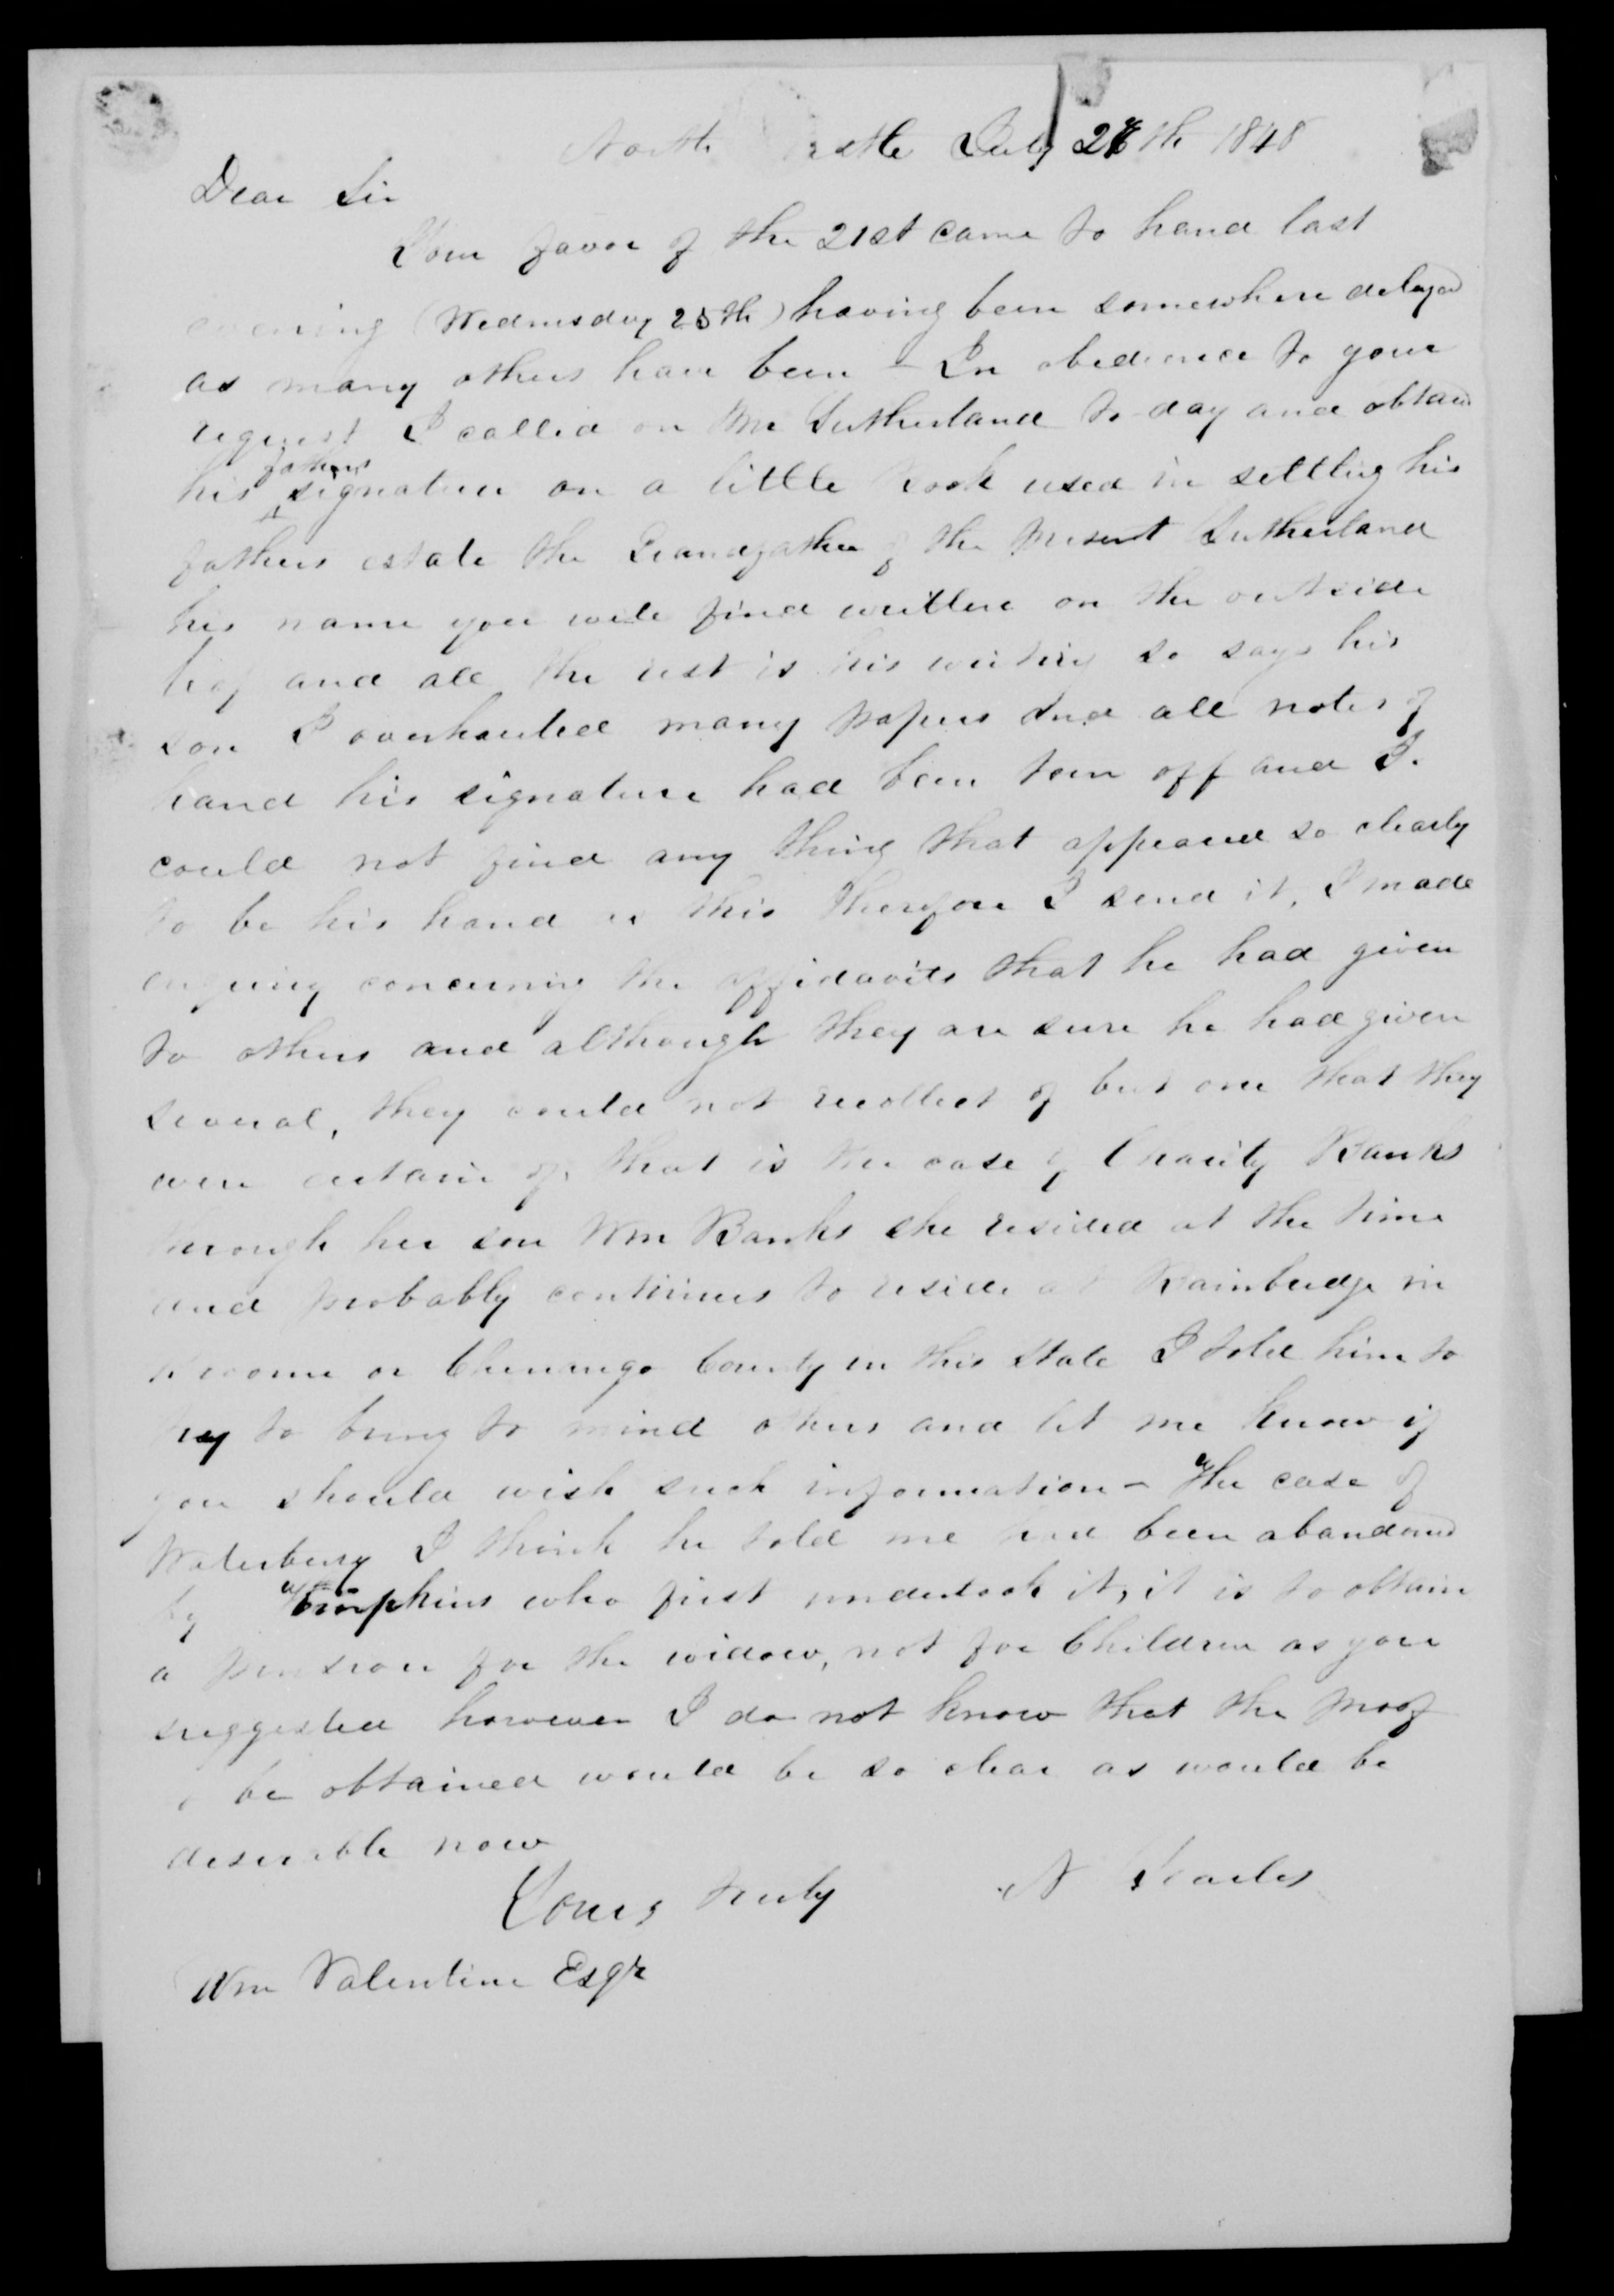North Castle July 27th 1848

Dear Sir

Your favor of the 21st came to hand last evening (Wednesday 25th) having been somewhere delayed as many others have been.  In obedience to your request I called on Mr Sutherland to-day and obtained his father's signature on a little book used in settling his father's estate the grandfather of the present Sutherland his name you will find written on the outside [h?]of and all the rest is his writing so says son I overhauled many papers and all notes of hand his signature had been torn off and I could not find any thing that appeared so clearly  to be his hand as this therefore I send it.  I made enquiry concerning the affidavits that he had given to others and although they are sure he had given several, they could not recollect of but one that they were certain of, that is the case of Charity Banks through her son Wm Banks she resided at the time and probably continues to reside at Bainbridge in Broome or Chenango County in this state.  I told him to try to bring to mind others and let me know if you should wish such information.  The case of Waterberry I think he told me had been abandoned by Wm Bumpkins [?] who first understood it, it is to obtain a pension for the widow, not for Children as you suggested however I do not know that the proof to be obtained would be so clear as would be desirable now. 

Yours truly [? A Searles?]
Wm Valentine Esqr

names: Wm Valentine; [BLANK] Sutherland; [BLANK] Sutherland; N Scarles; Wm Banks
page: 33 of 77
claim: survivor's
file: S. 23003, for Silas Southerland, New York